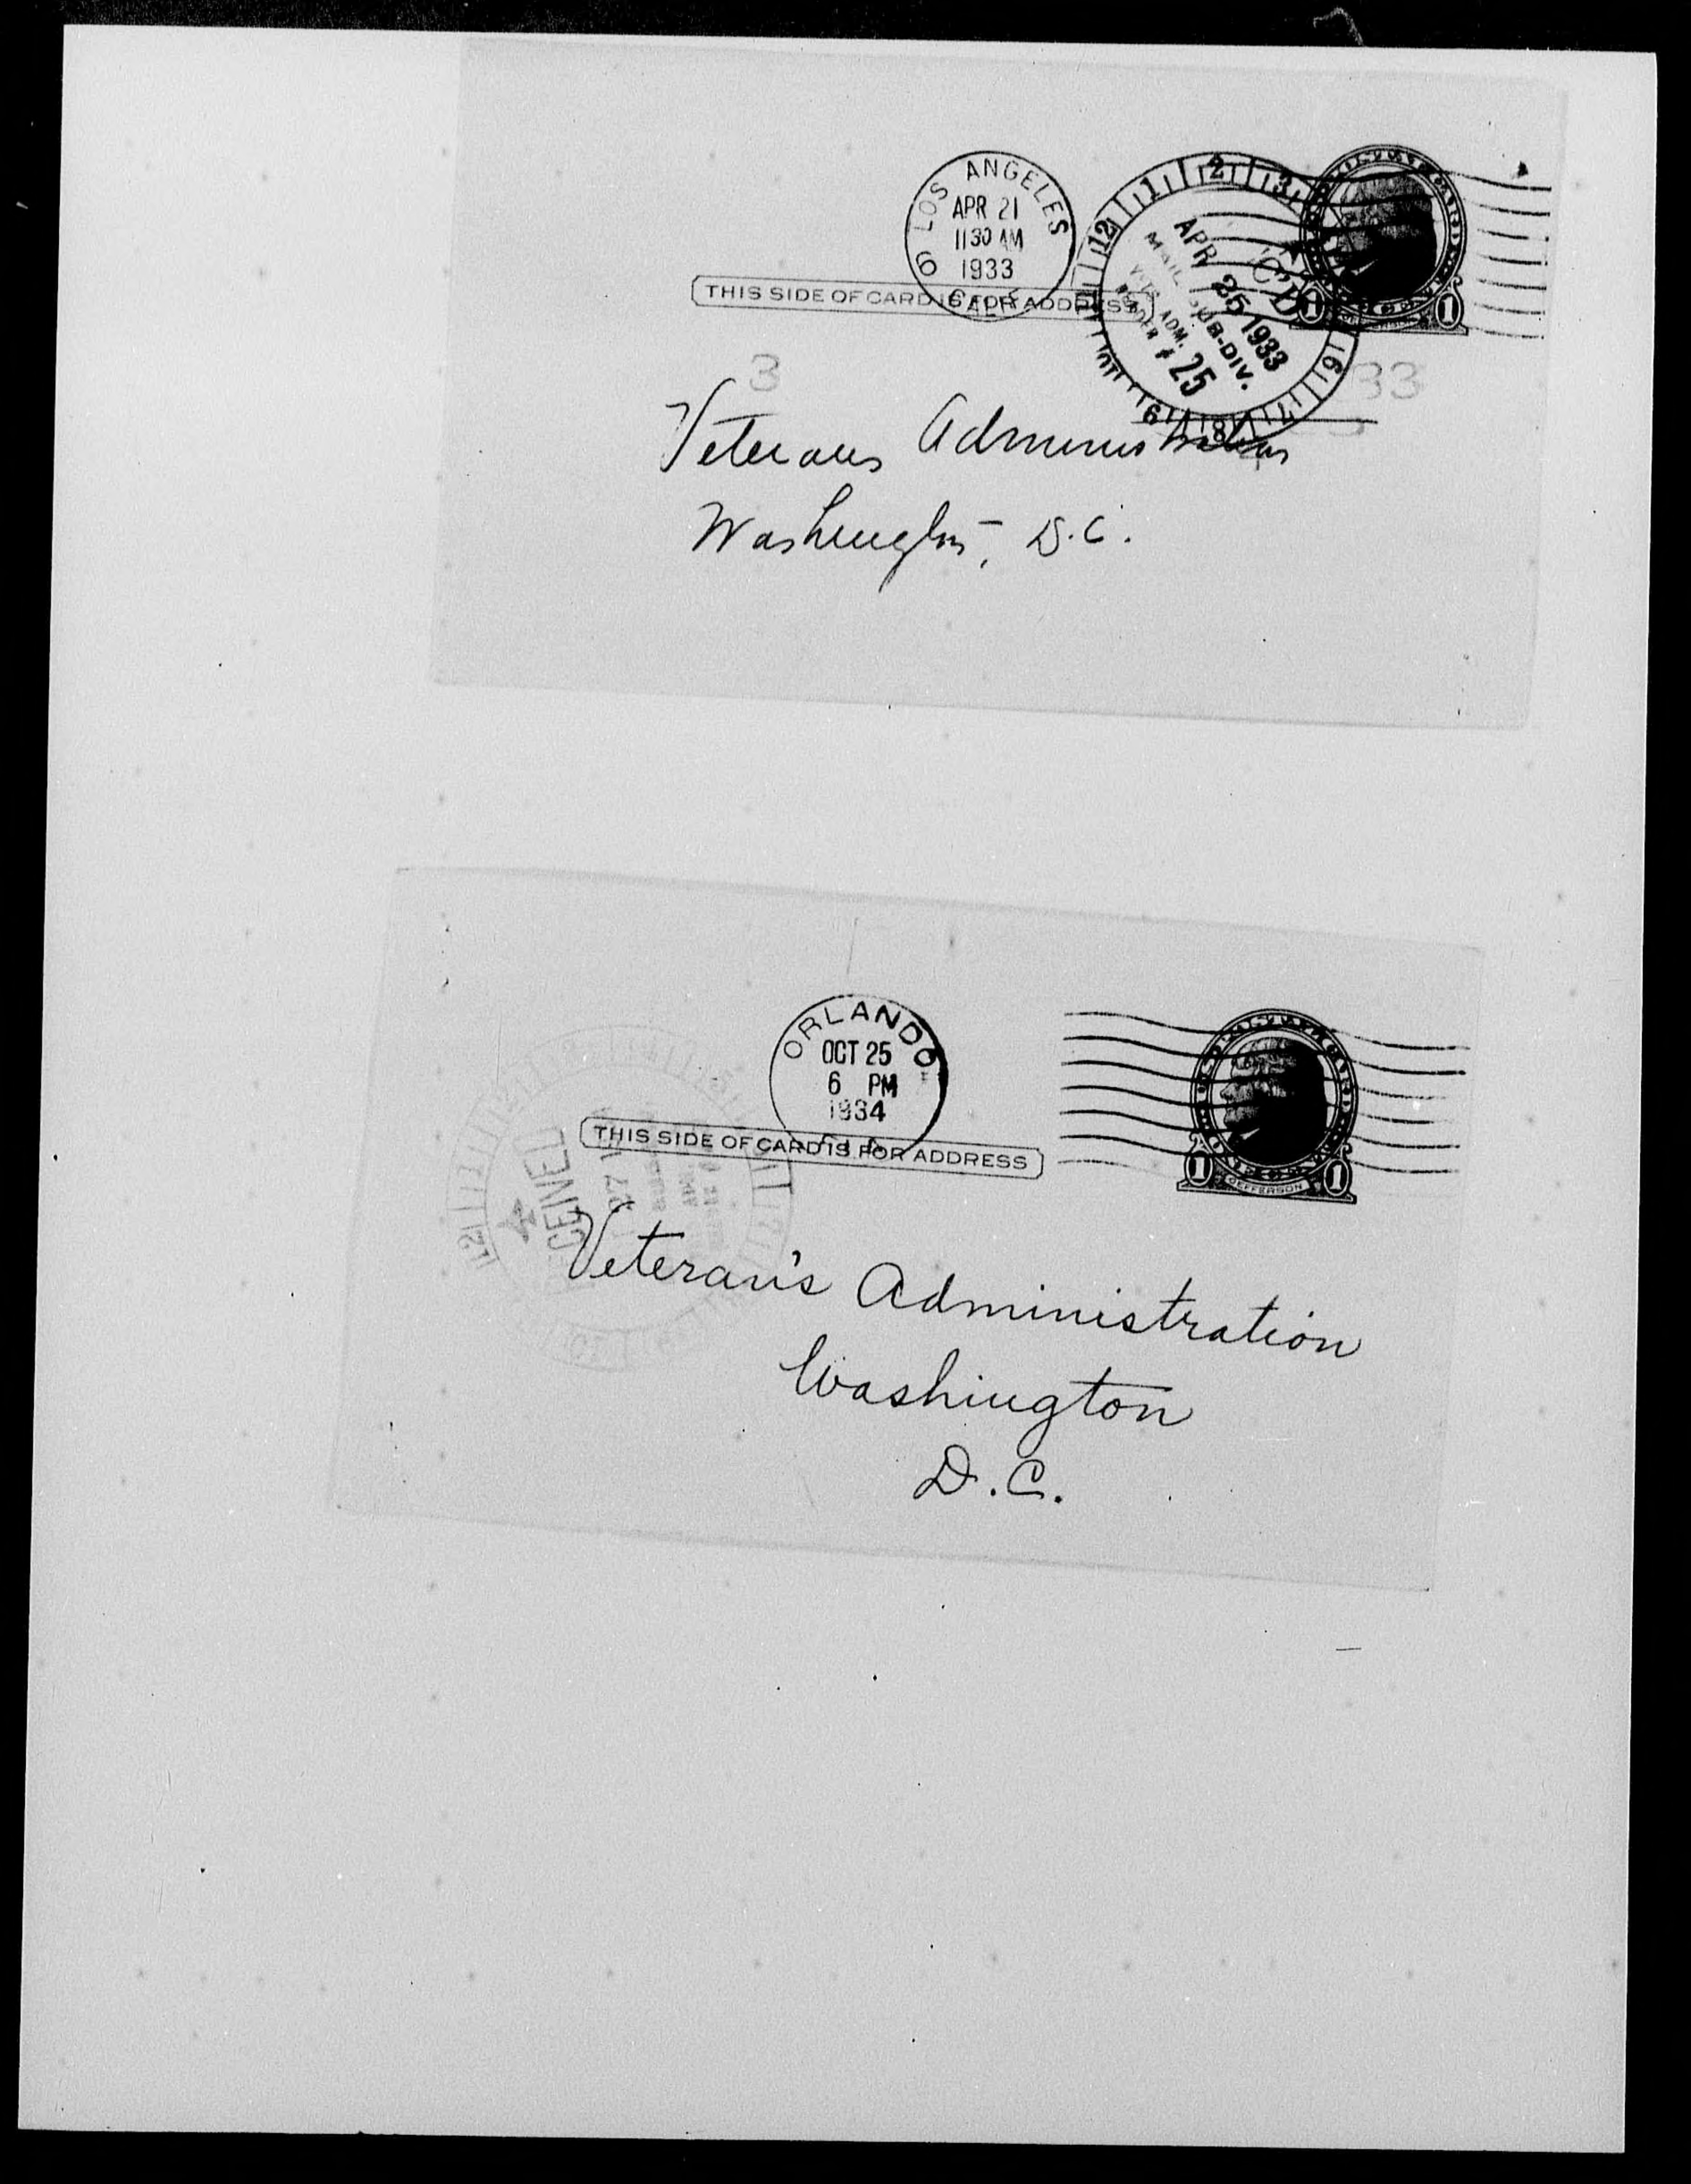STAMP:  LOS ANGELES 
APR 21 
1130 AM
1933

2ND STAMP CD
APR 25 1933
MAIL SUB-DIV.
VETS ADM
READER 25

Veterans Administration
Washington-D.C.







STAMP:  ORLANDO OCT 25
6 PM 1934

VETERAN'S ADMINISTRATION
WASHINGTON D.C.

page: 27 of 65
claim: widow's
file: W. 8384, Arabia Brown, Va.